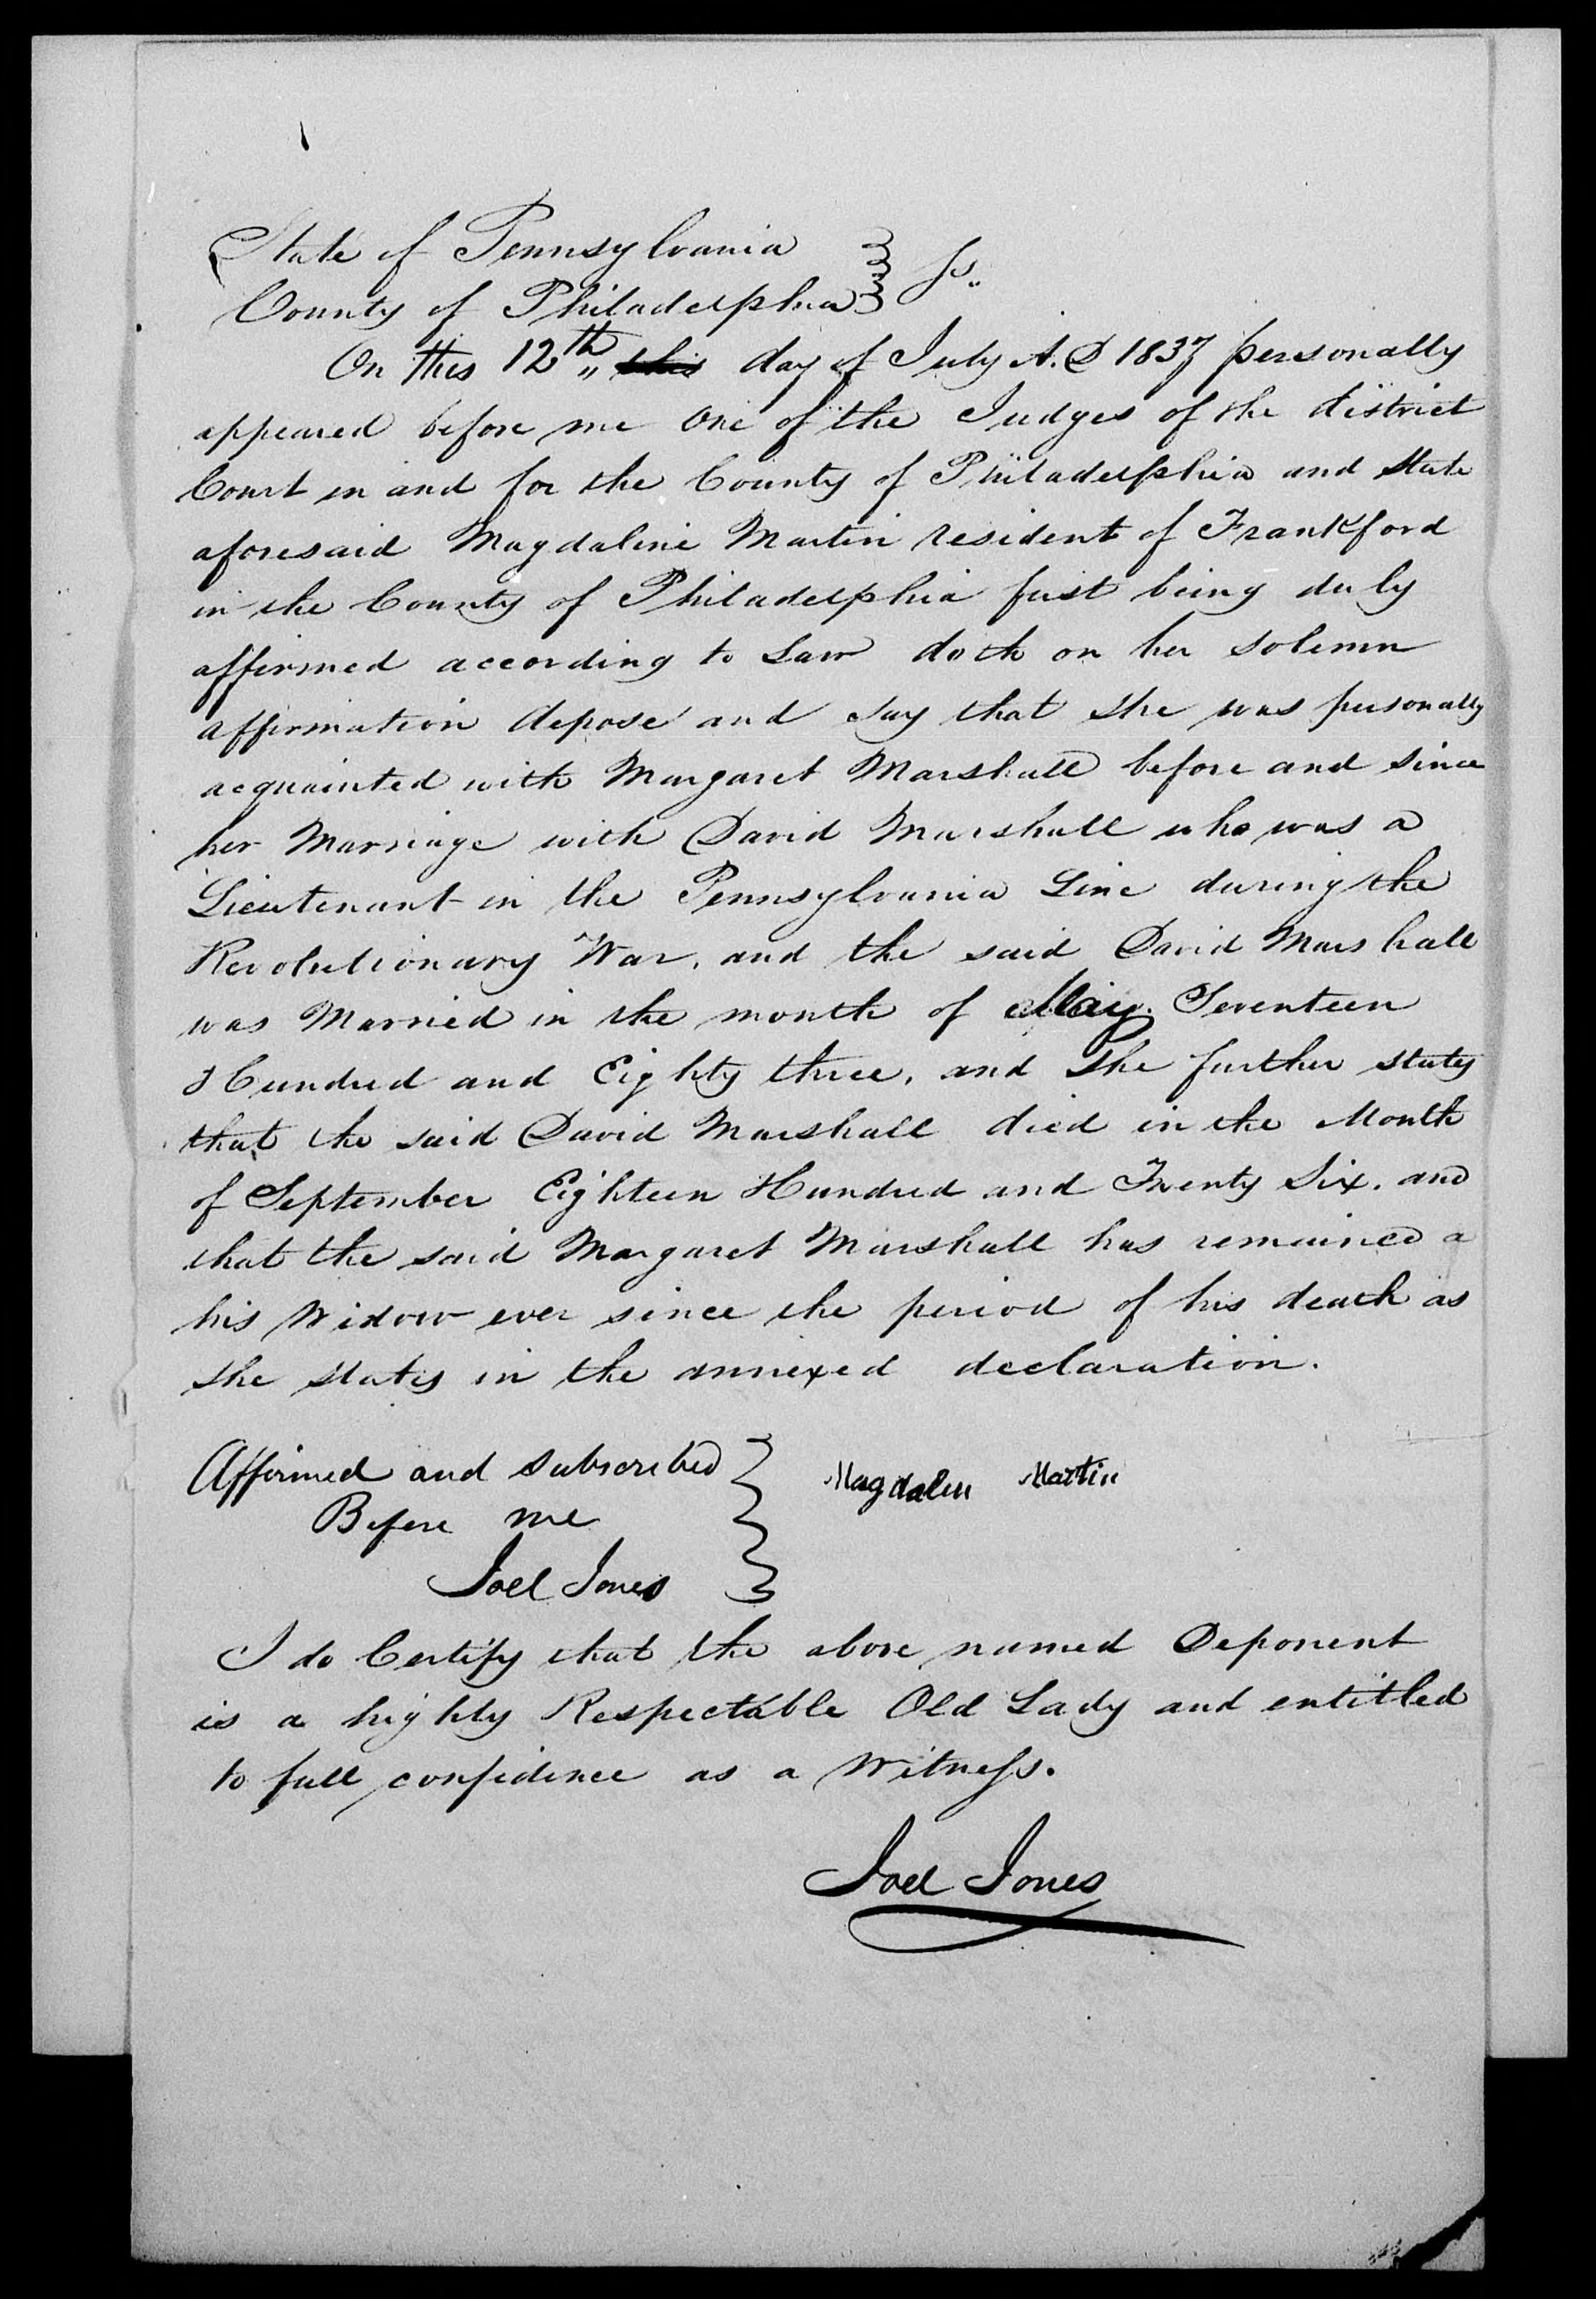State of Pennsylvania
County of Philadelphia
On the 12th this [crossed out] day of July A.D 1837 personally appeared before me on of the Judges of the district Court in and for the County of Philadelphia and state aforesaid Magdalene Martin resident of Frankford in the County of Philadelphia first being duly affirmed according to Law doth on her solemn affirmation depose and sweat that she was personally acquainted with Margaret Marshall before and since her Marriage with David Marshall so he was a Lieutenant in the Pennsylvania Line during the Revolutionary War, and the said David Marshall was Married in the month of May Seventeen Hundred and Eighty three, and she further states that the said David Marshall died the Month of September Eighteen Hundred and Twenty Six, and that the said Margaret Marshall has remained a his widow ever since the period of his death as she states in the annexed declaration.
Affirmed and subscribed
Before me                              Magdalene Martin
Joel Jones
I do certify that the above named Deponent is a highly Respectable Old Lady and entitled to full confidence as a Witnefs. 
Joel Jones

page: 17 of 86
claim: widow's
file: W. 3571, for David Marshall, Pennsylvania